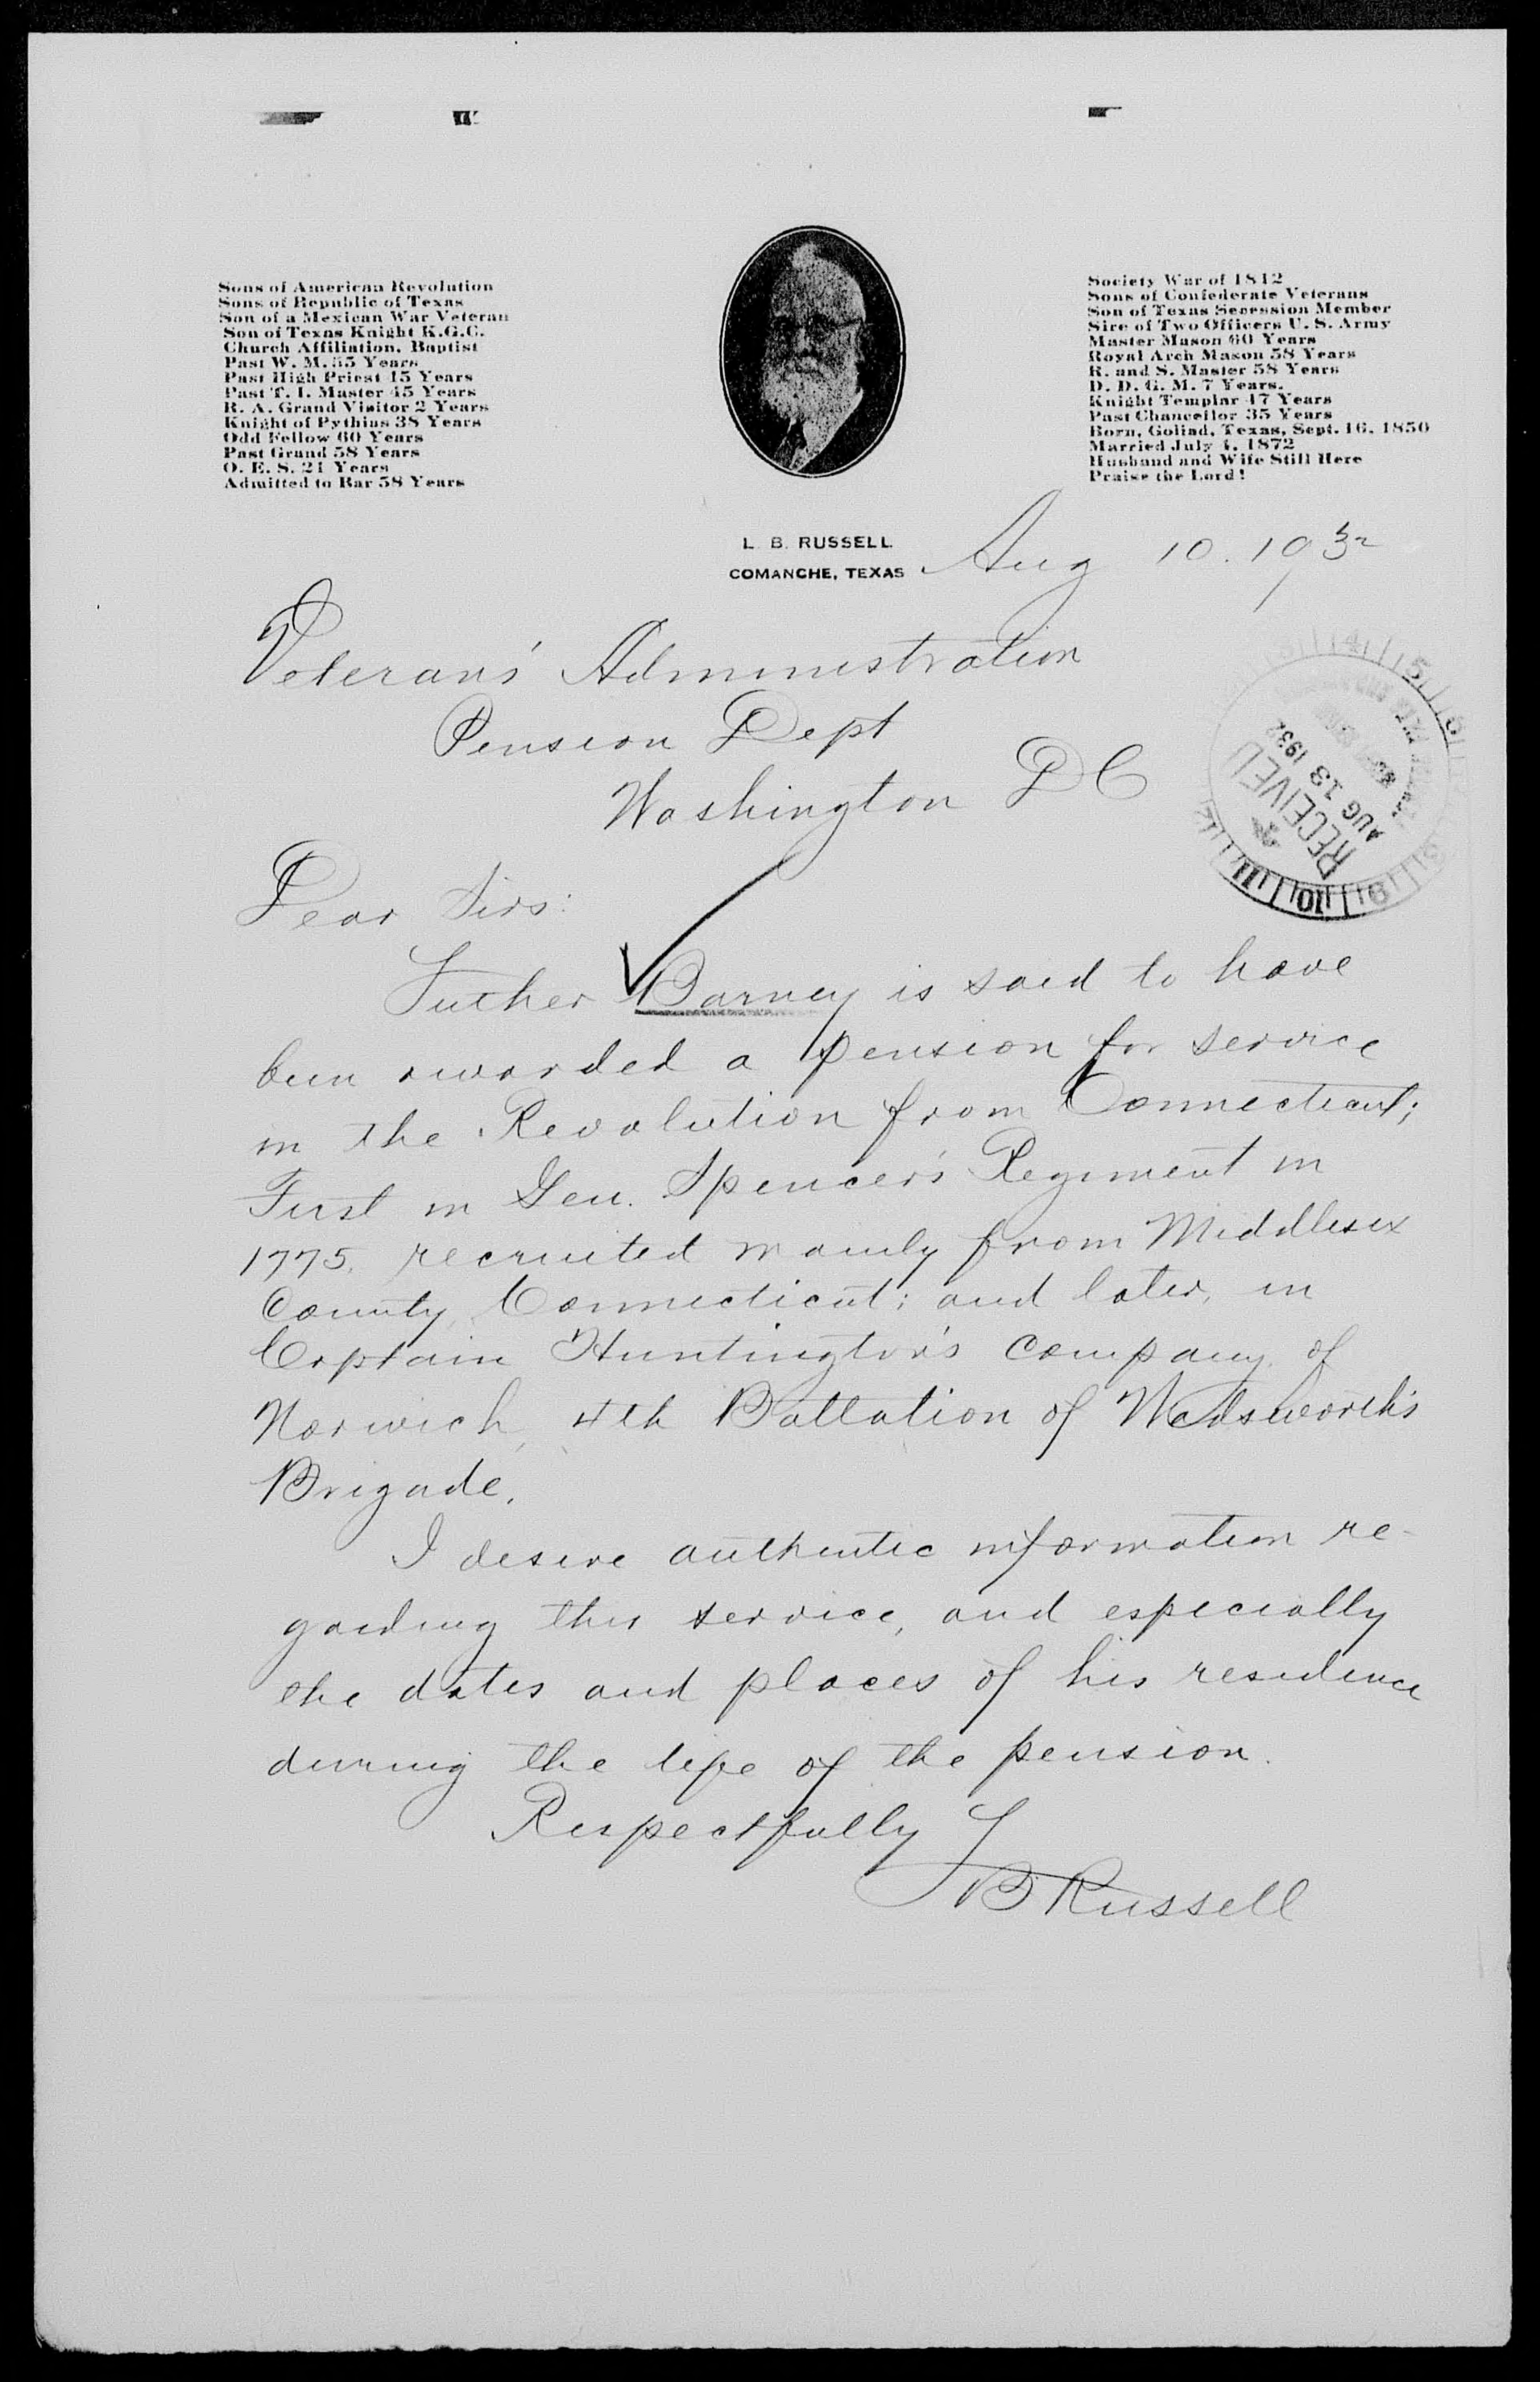[Letterhead, with portrait photo]
L. B. RUSELL
COMANCHE, TEXAS
Sons of American Revolution
Sons of Republic of Texas
Son of a Mexican War Veteran
Son of Texas Knight K.G.C.
Church Affiliation, Baptist
Past W.M.55 Years
Past High Priest 15 years
Past T. I. Master 45 Years
R. A. Grand Visitor 2 Years
Knight of Pythias 38 Years
Odd Fellow 60 years
Past Grand 58 Years
O. E. S. 21 Years
Admitted to Bar 58 years

Society War of 1812
sons of Confederate Veterans
Son of Texas Secession Member
Sire of Two Officers U.S. Army
Master Mason 60 Years
Royal Arch Mason 58 Years
R. and S. Master 58 Years
D. D. G. M. 7 Years.
Knight Templar 17 years
Past Chancellor 35 years
Born, Goliad, Texas, Sept. 16, 1850
Married July 1, 1872
Husband and Wife Still Here
Praise the Lord!

[Stamp: RECEIVED AUG 13 1932]
Aug 10, 1932
Veterans Administration
Pension Dept
Washington DC

Dear Sirs:

Luther Barney is said to have been awarded a pension for service in the Revolution from Connecticut; First in Gen. Spencer's Regiment in 1775, recruited mainly from Middlesex
County, Connecticut, and later in Captain Huntington's company of Norwich 4th Battation of Wadsworth's Brigade.

I desire authentic information regarding this service, and especially the dates and places of his residence during the life of the pension.

Respectfully L B Russell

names: Luther Barney, L B Russell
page: 58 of 61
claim: widow's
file: W. 4.124, Luther Barney, Conn. Privateer.